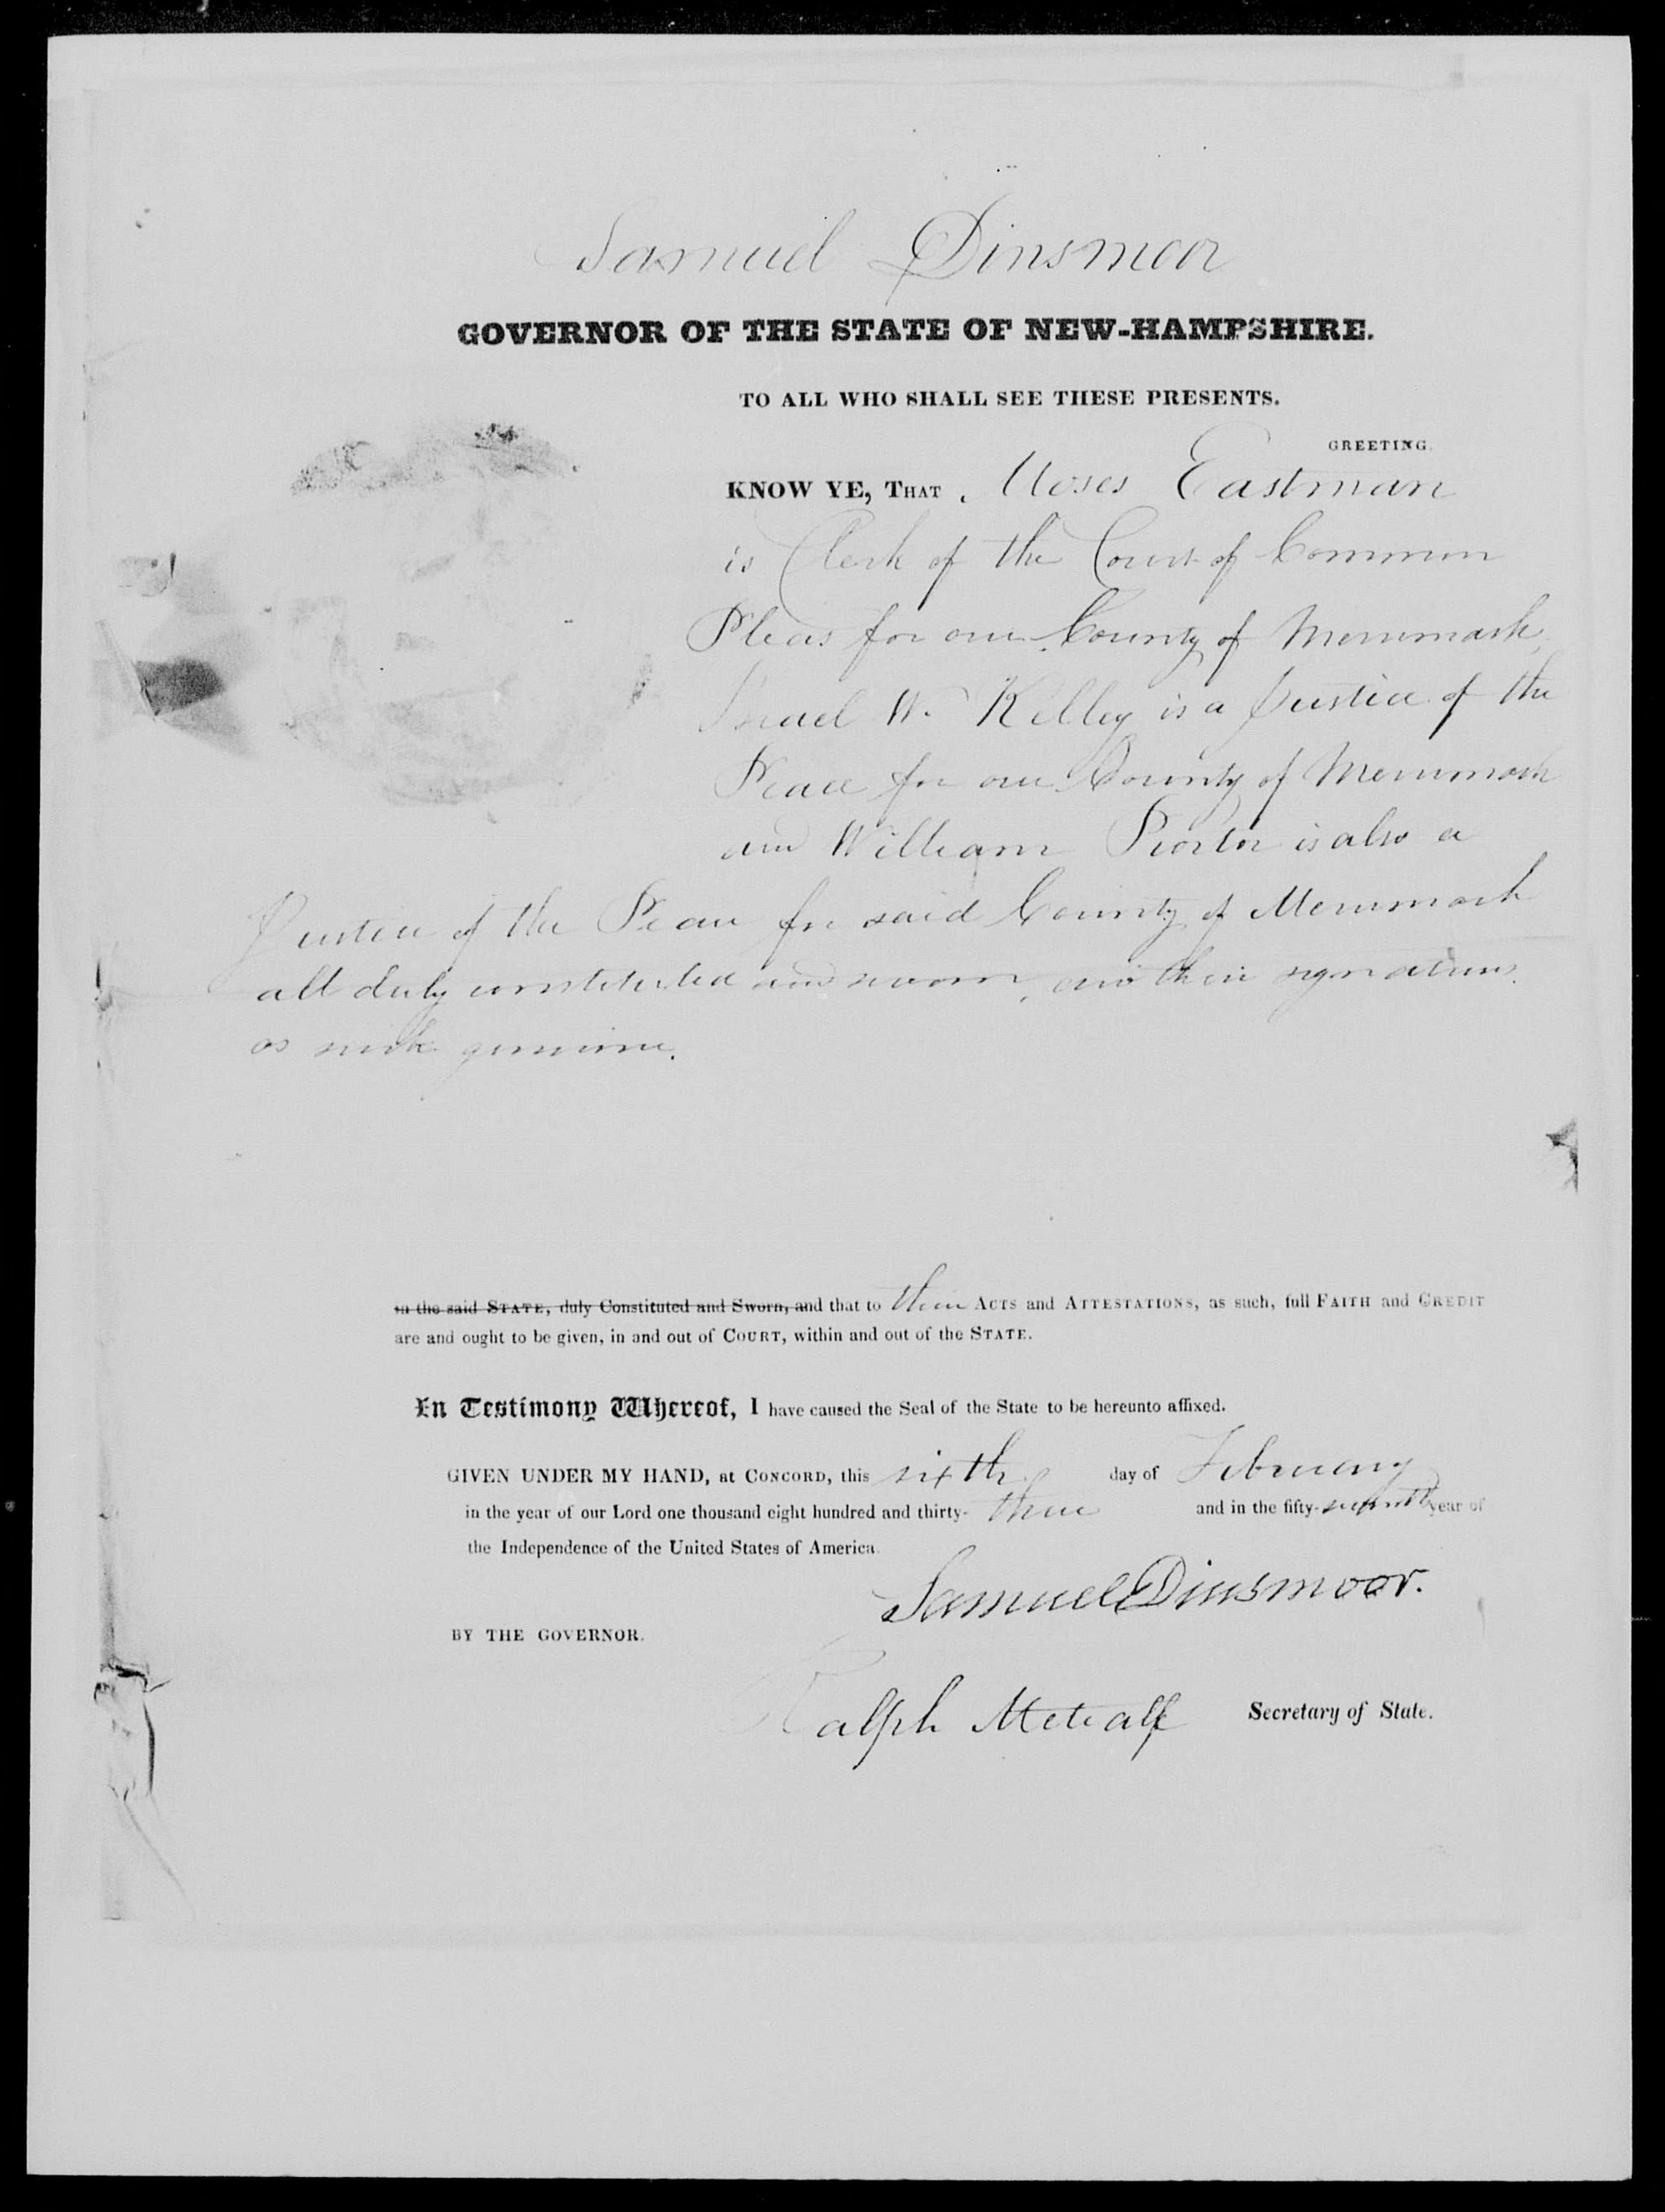Samuel Dinsmoor
GOVERNOR OF THE STATE OF NEW-HAMPSHIRE.

TO ALL WHO SHALL SEE THESE PRESENTS.
GREETING.

KNOW YE, That, Moses Eastman
is Clerk of the Court of Common
Pleas for our County of Merrimack
Shael W. Kelley is a Justice of the
Peace for our County of Merrimack
and William Porter is also a
Justice of the Peace for said County of Merrimack
all duly constituted and sworn, and their signatures as [illegible]

in the said STATE, duly Constituted and Sworn, and that to their ACTS and ATTESTATIONS, as such, full FAITH and CREDIT are and ought to be given, in and out of COURT, within and out of the STATE.

IN TESTIMONY WHEREOF, I have caused the Seal of the State to be hereunto affixed.

GIVEN UNDER MY HAND, at Concord, this sixth day of February in the year of our Lord one thousand eight hundred and thirty-three and in the fifty-seventh year of the Independence of the United States of America.

Samuel Dinsmoor
BY THE GOVERNOR.
Ralph Metcalf Secretary of State.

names: Ralph Metcalf, Samuel Dinsmoor, Moses Eastman, William Proctor, Israel W Kelley, Samuel Dinsmoor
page: 4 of 11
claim: survivor's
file: S. 15302, Mark Batchelder, N. H